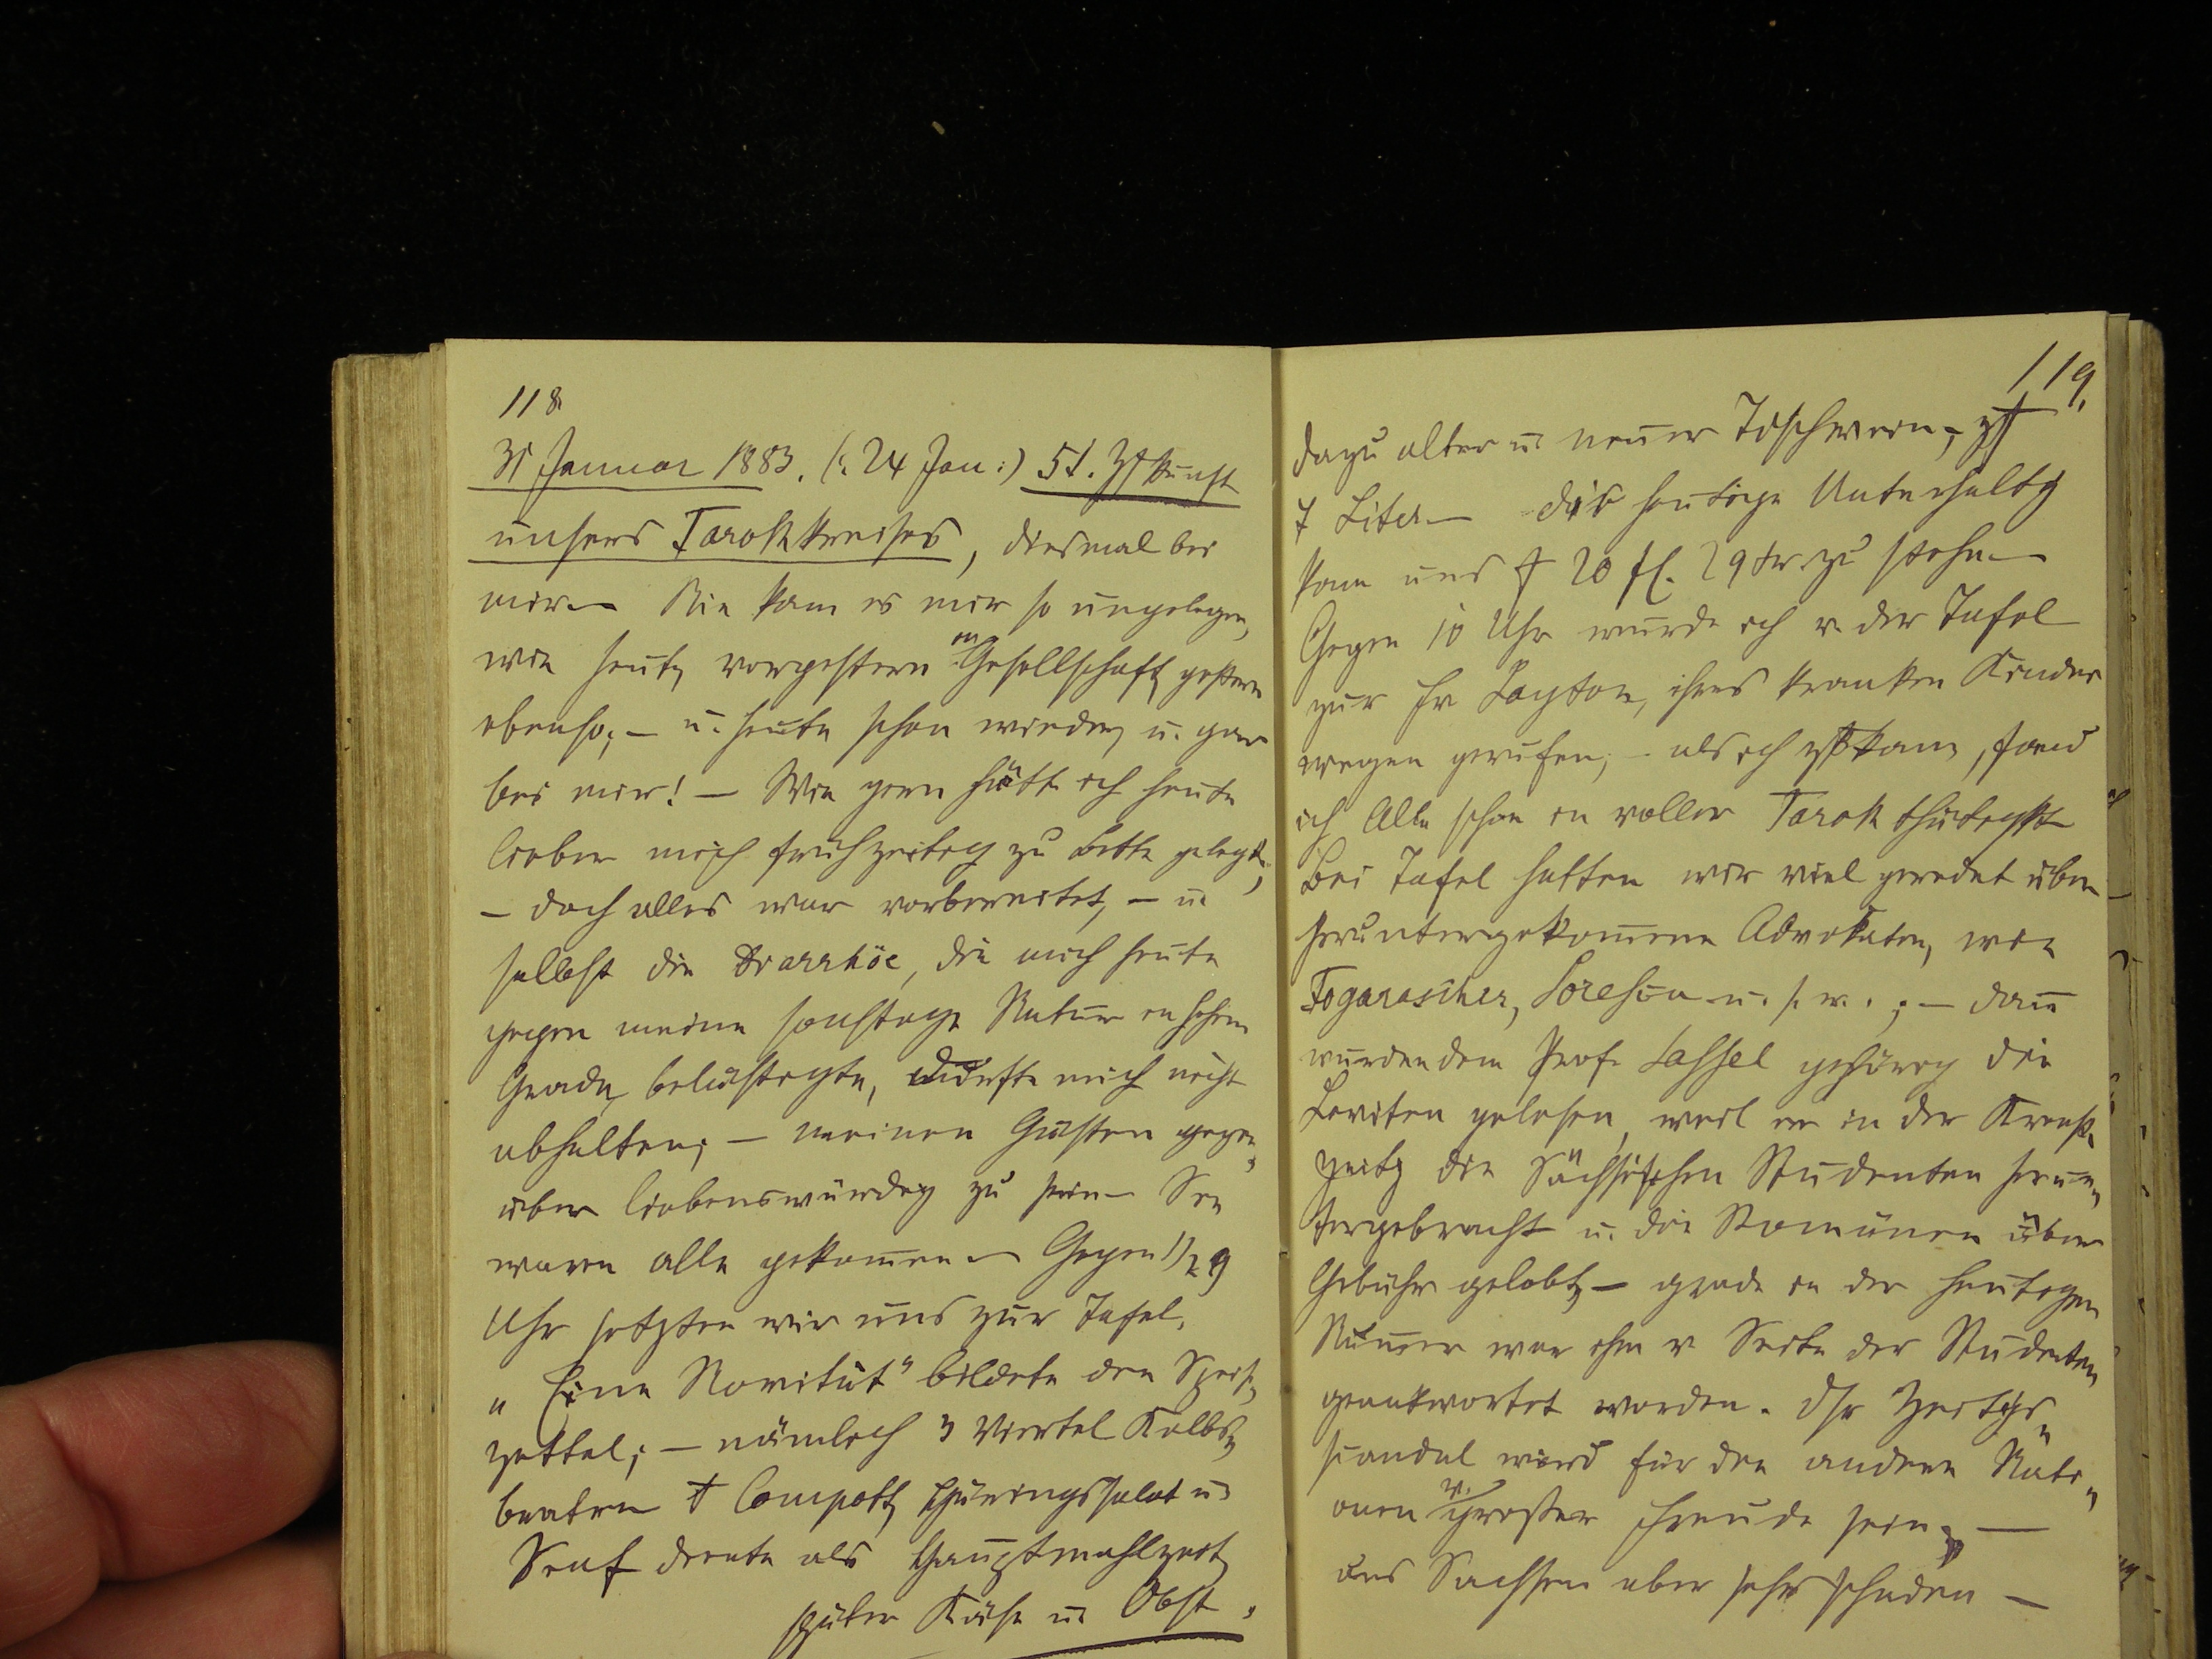118
31. Januar 1883. (: 24 Jan. ) 51. Zskunft
unseres Tarokkreises, diesmal bei
mir. - Mir kam es nur so ungelegen,
in
war seit vorgestern Gesellschaft gestern
ebens,. - u. heute schon wieder, und gar
bei mir! - Wie gern hätte ich heute
lieber mich frühzeitig zu Bette gelegt,
- doch alles war vorbereitet, - u.
selbst die Diarrhöe, die mich heute
gegen meine sonstige Natur in hohem
Grade belästigte, durfte mich nicht
abhalten; - meinen Gästen gegen¬
über liebenswürdig zu sein. - Sie
waren alle gekomen. Gegen 1/2 9
Uhr setzten wir uns zur Tafel.
„ Eine Nowität“ bildete den Speise¬
zettel; - nämlich 3 Viertel Kalbs¬
braten t Compott, Heringssalat u.
Senf diente als Hauptmalzeit,
später Käse und Obst
119
dazu alter und neuer Tischwein,- zs
7 Liter. - Die heutige Unterhaltung
kam uns t 20 Fl. 29 tw zu stehen. -
Gegen 10 Uhr wurde ich v. der Tafel
zur Fr. Layton, ihres kranken Kindes
wegen gerufen, als ich ztkam, fand
ich Alle schon in voller Tarokthätigkeit.
Bei Tafel hatten wir viel geredet über
heruntergekommene Advokaten, wie
Fogarascher, Locefon u.s.w.; - Dan
wurden dem Prof. Lassel gehörig die
Leviten gelesen, weil er in der Kronst.
Zeitg die Sächsischen Studenten herun¬
tergebracht und die Romänen über
Gebühr gelobt, - gerade in der heutigen
Numer war ihm v. Seiten der Studenten
geantwortet worden. Dieser Zeitungs¬
scandal wird für die andere Natio¬
von
nen großer Freude sein, -
uns Sachsen aber sehr schaden -